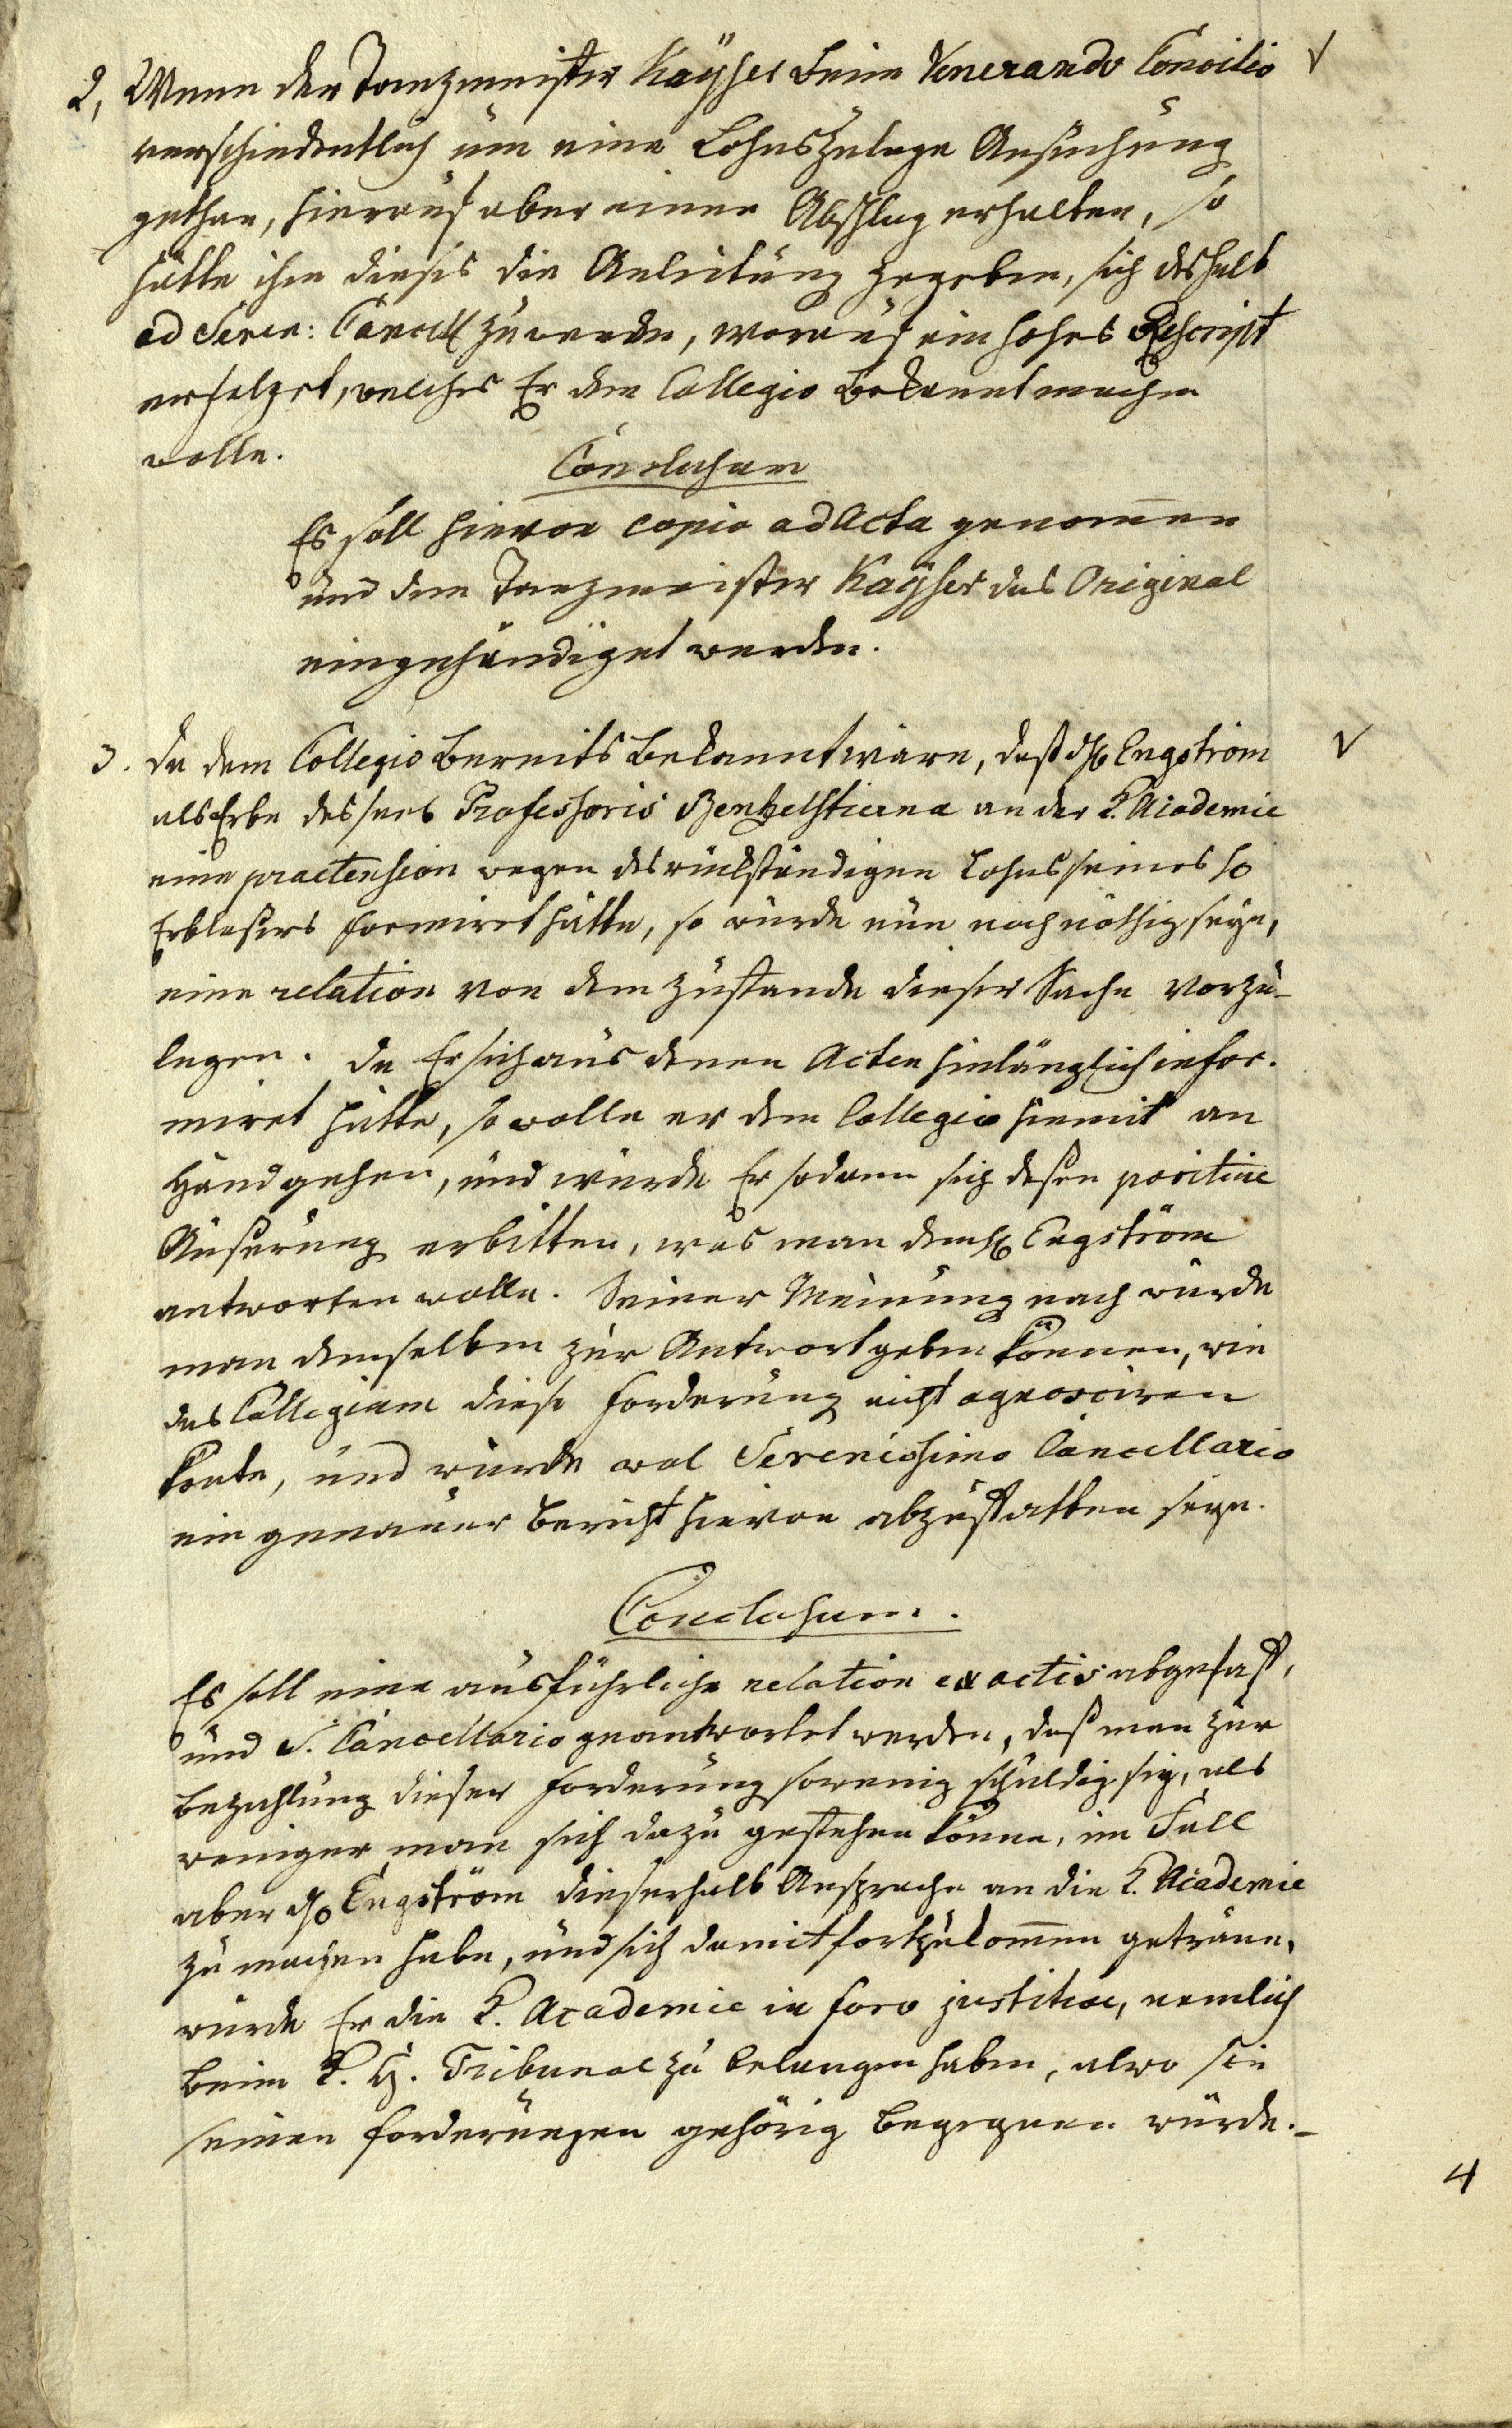2, Wenn der Tanzmeister Kaÿser beim Venerando Concilio
verschiedentlich um eine Lohnszulage Ansuchung
gethan, hierauf aber einen Abschlag erhalten, so
hätte ihm dieses die Anleitung gegeben, sich deshalb
ad Seren. Cancell. zu wenden, worauf ein hohes Rescript
erfolget, welches Er dem Collegio bekannt machen
wolle. Conclusum
Es soll hievon copia ad Acta genomen
und dem Tanzmeister Kaÿser das Original
eingehändiget werden.
3. Da dem Collegio bereits bekannt wäre, daß dh. Engström
als Erbe des seel. Professoris Bentzelstierna an der K. Academie
eine praetension wegen des rückständigen Lohns seines H.
Erblaßers formiret hätte, so würde nun noch nöthig seÿn,
eine relation von dem Zustande dieser Sache vorzu¬
legen. Da Er sich aus denen Acten hinlänglich infor¬
miret hätte, so wolle er dem Collegio hiemit an
Hand gehen, und würde Er sodann sich deßen positive
Äußerung erbitten, was man dem H. Engström
antworten wolle. Seiner Meinung nach würde
man demselben zur Antwort geben können, wie
das Collegium diese Forderung nicht agnosciren
könte, und würde wol Serenissimo Cancellario
ein genauer Bericht hievon abzustatten seÿn.
Conclusum
Es soll eine ausführliche relation ex actis abgefast
und S. Cancellario geantwortet werden, daß man zur
Bezahlung dieser Forderung sowenig schuldig seÿ, als
weniger man sich dazu gestehen könne, im Fall
aber dh. Engström dieserhalb Ansprache an die K. Academie
zu machen habe, und sich damit fortzukommen getraue,
würde Er die K. Academie in foro justitiae, nemlich
beim K. H. Tribunal zu belangen haben, alwo sie
seinen Forderungen gehörig begegnen würde.